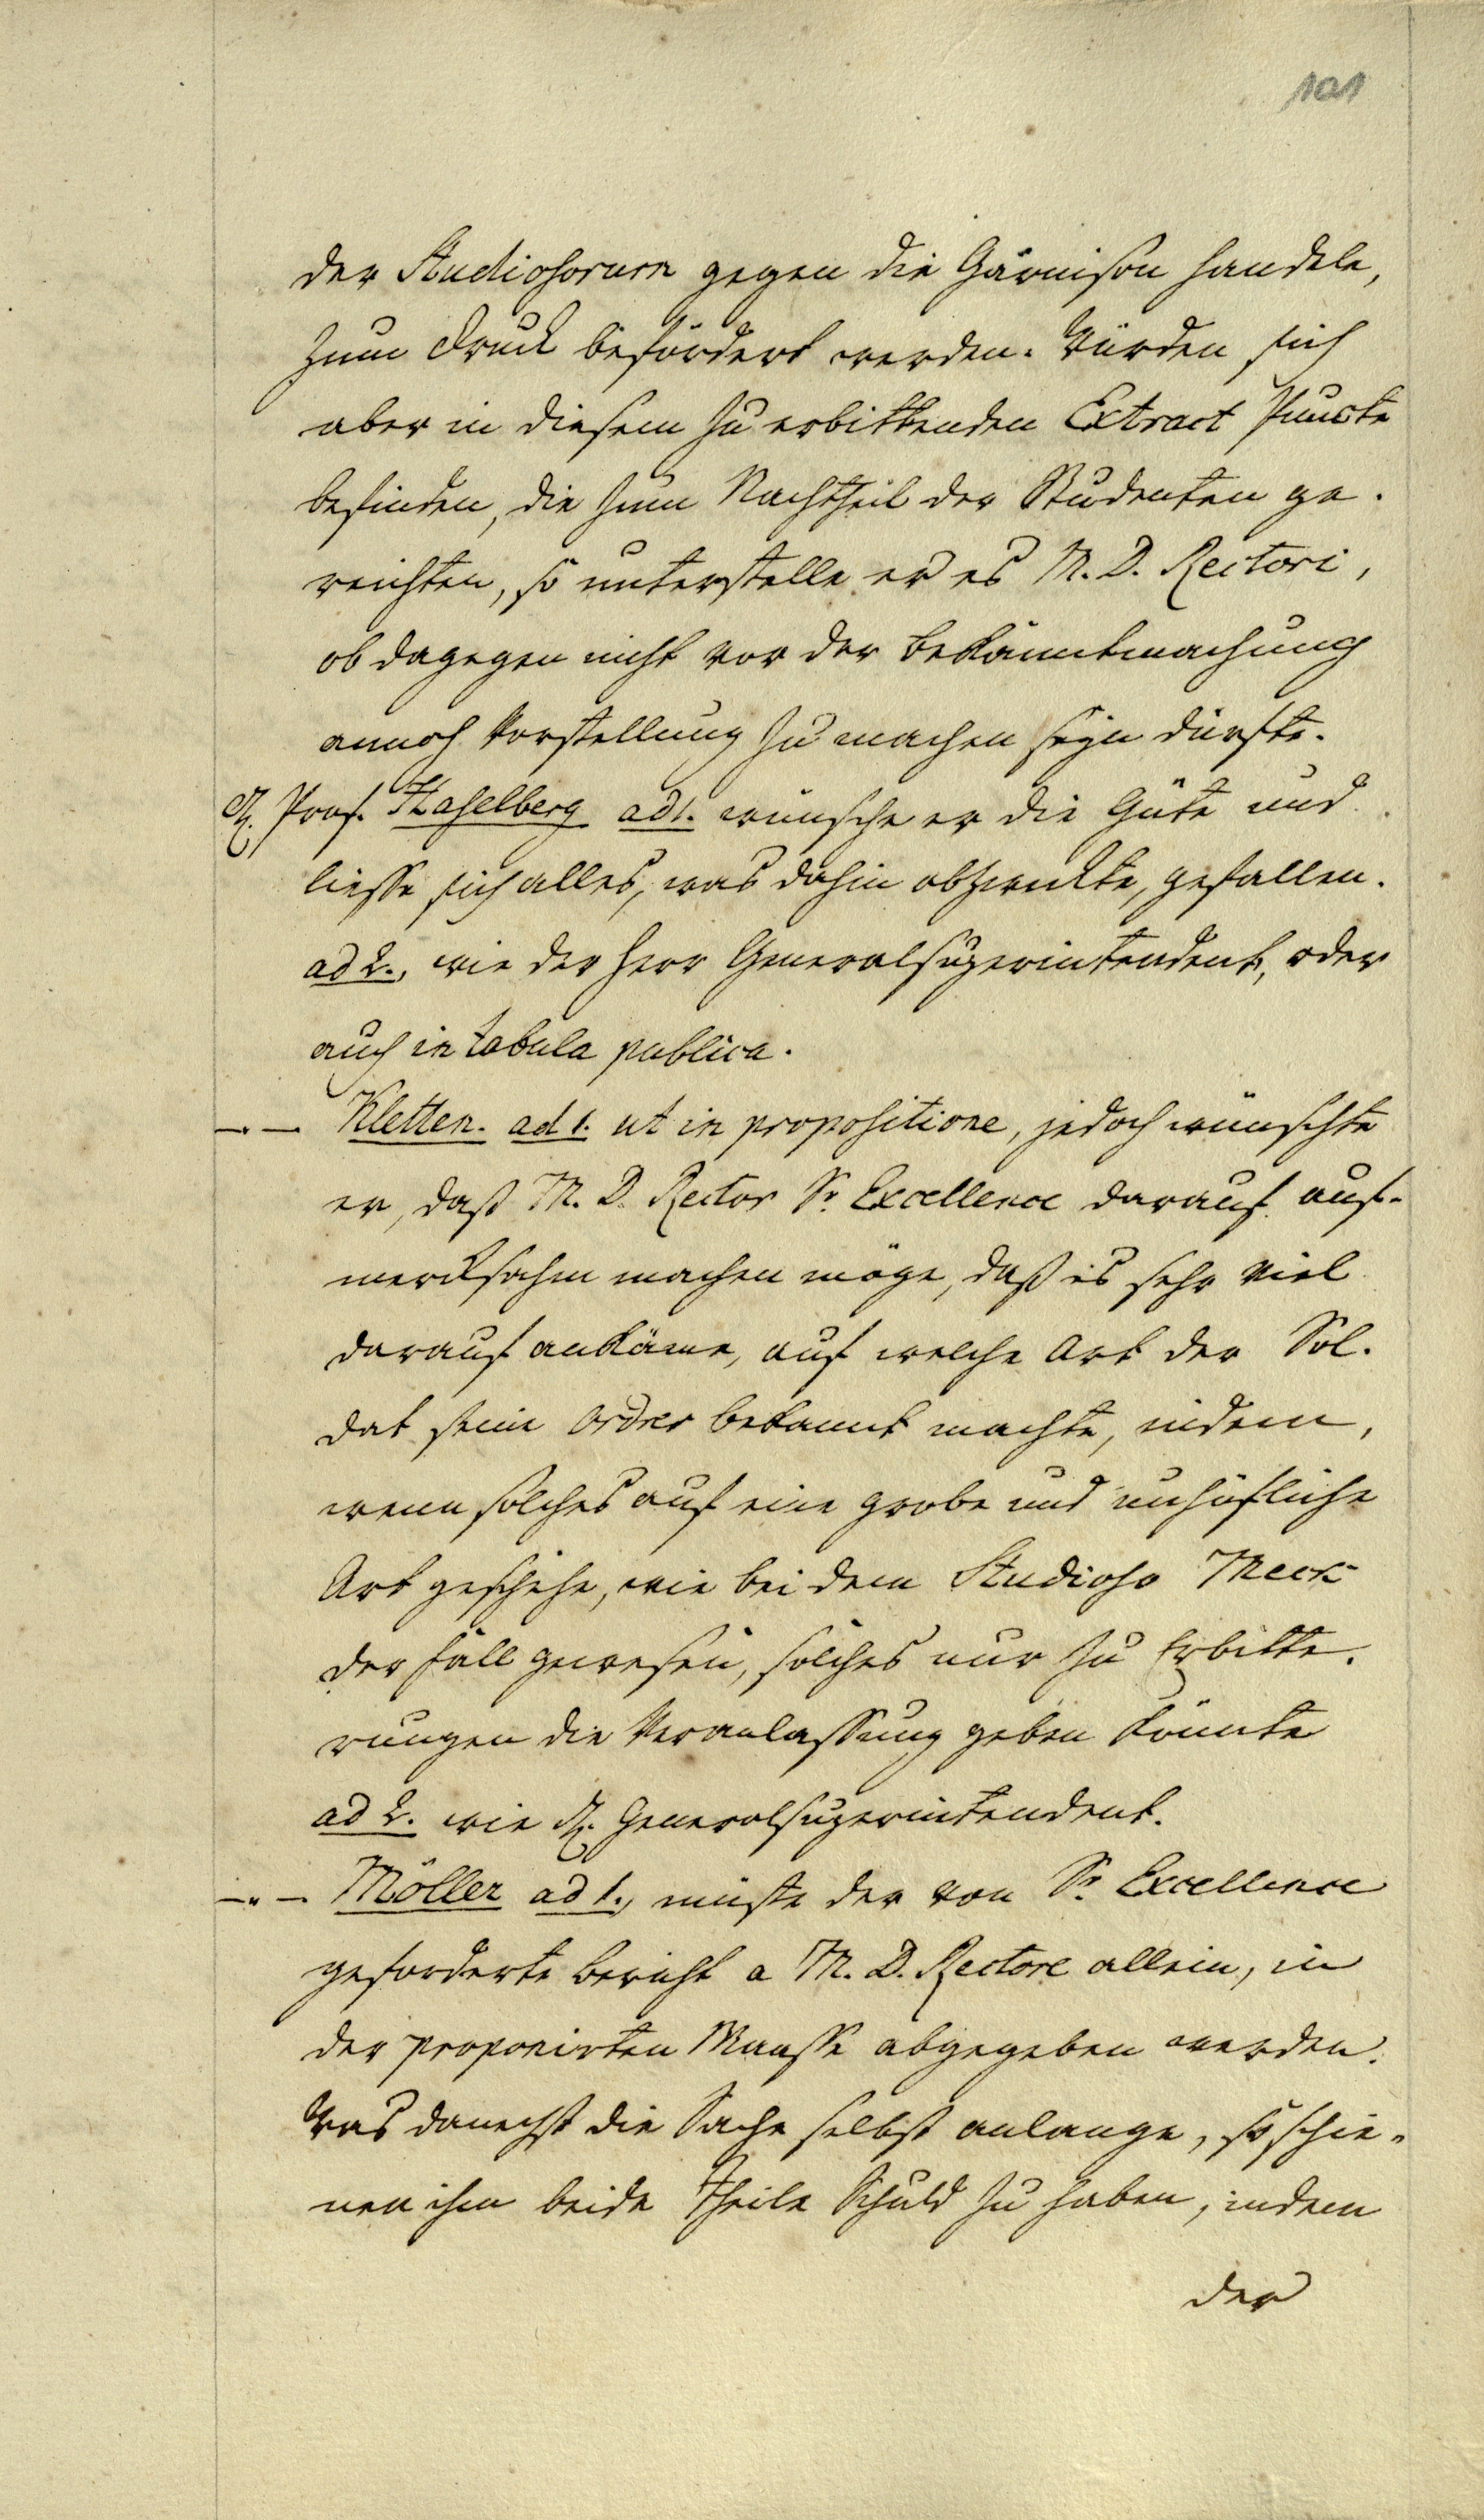der Studiosorum gegen die Garnison handele,
zum Druck befördert werden. Würden sich
aber in diesem zu erbittenden Extract Puncte
befinden, die zum Nachtheil der Studenten ge¬
reichten, so unterstelle er es M. D. Rectori,
ob dagegen nicht vor der Bekanntmachung
annoch Vorstellung zu machen seÿn dürfte.
dh. Prof. Haselberg ad 1. wünsche er die Güte und
liesse sich alles, was dahin abzweckte, gefallen.
ad 2., wie der Herr Generalsuperintendent, oder
auch intabula publica.
Kletten. ad 1. ut in propositione, jedoch wünschte
er, daß M. D. Rector Sr Excellence darauf auf¬
mercksahm machen möge, daß es sehr viel
darauf ankäme, auf welche Art der Sol¬
dat seine Ordres bekannt machte, indem,
wenn solches auf eine grobe und unhöfliche
Art geschehe, wie bei dem Studioso Meck
der Fall gewesen, solches nur zu Erbitte¬
rungen die Veranlassung geben könnte
ad 2. wie dh. Generalsuperintendent.
Möller ad 1. müsste der von Sr Excellence
geforderte Bericht a M. D. Rectore allein, in
der proponirten Maasse abgegeben werden.
Was danechst die Sache selbst anlange, so schie¬
nen ihm beide Theile Schuld zu haben, indem
der